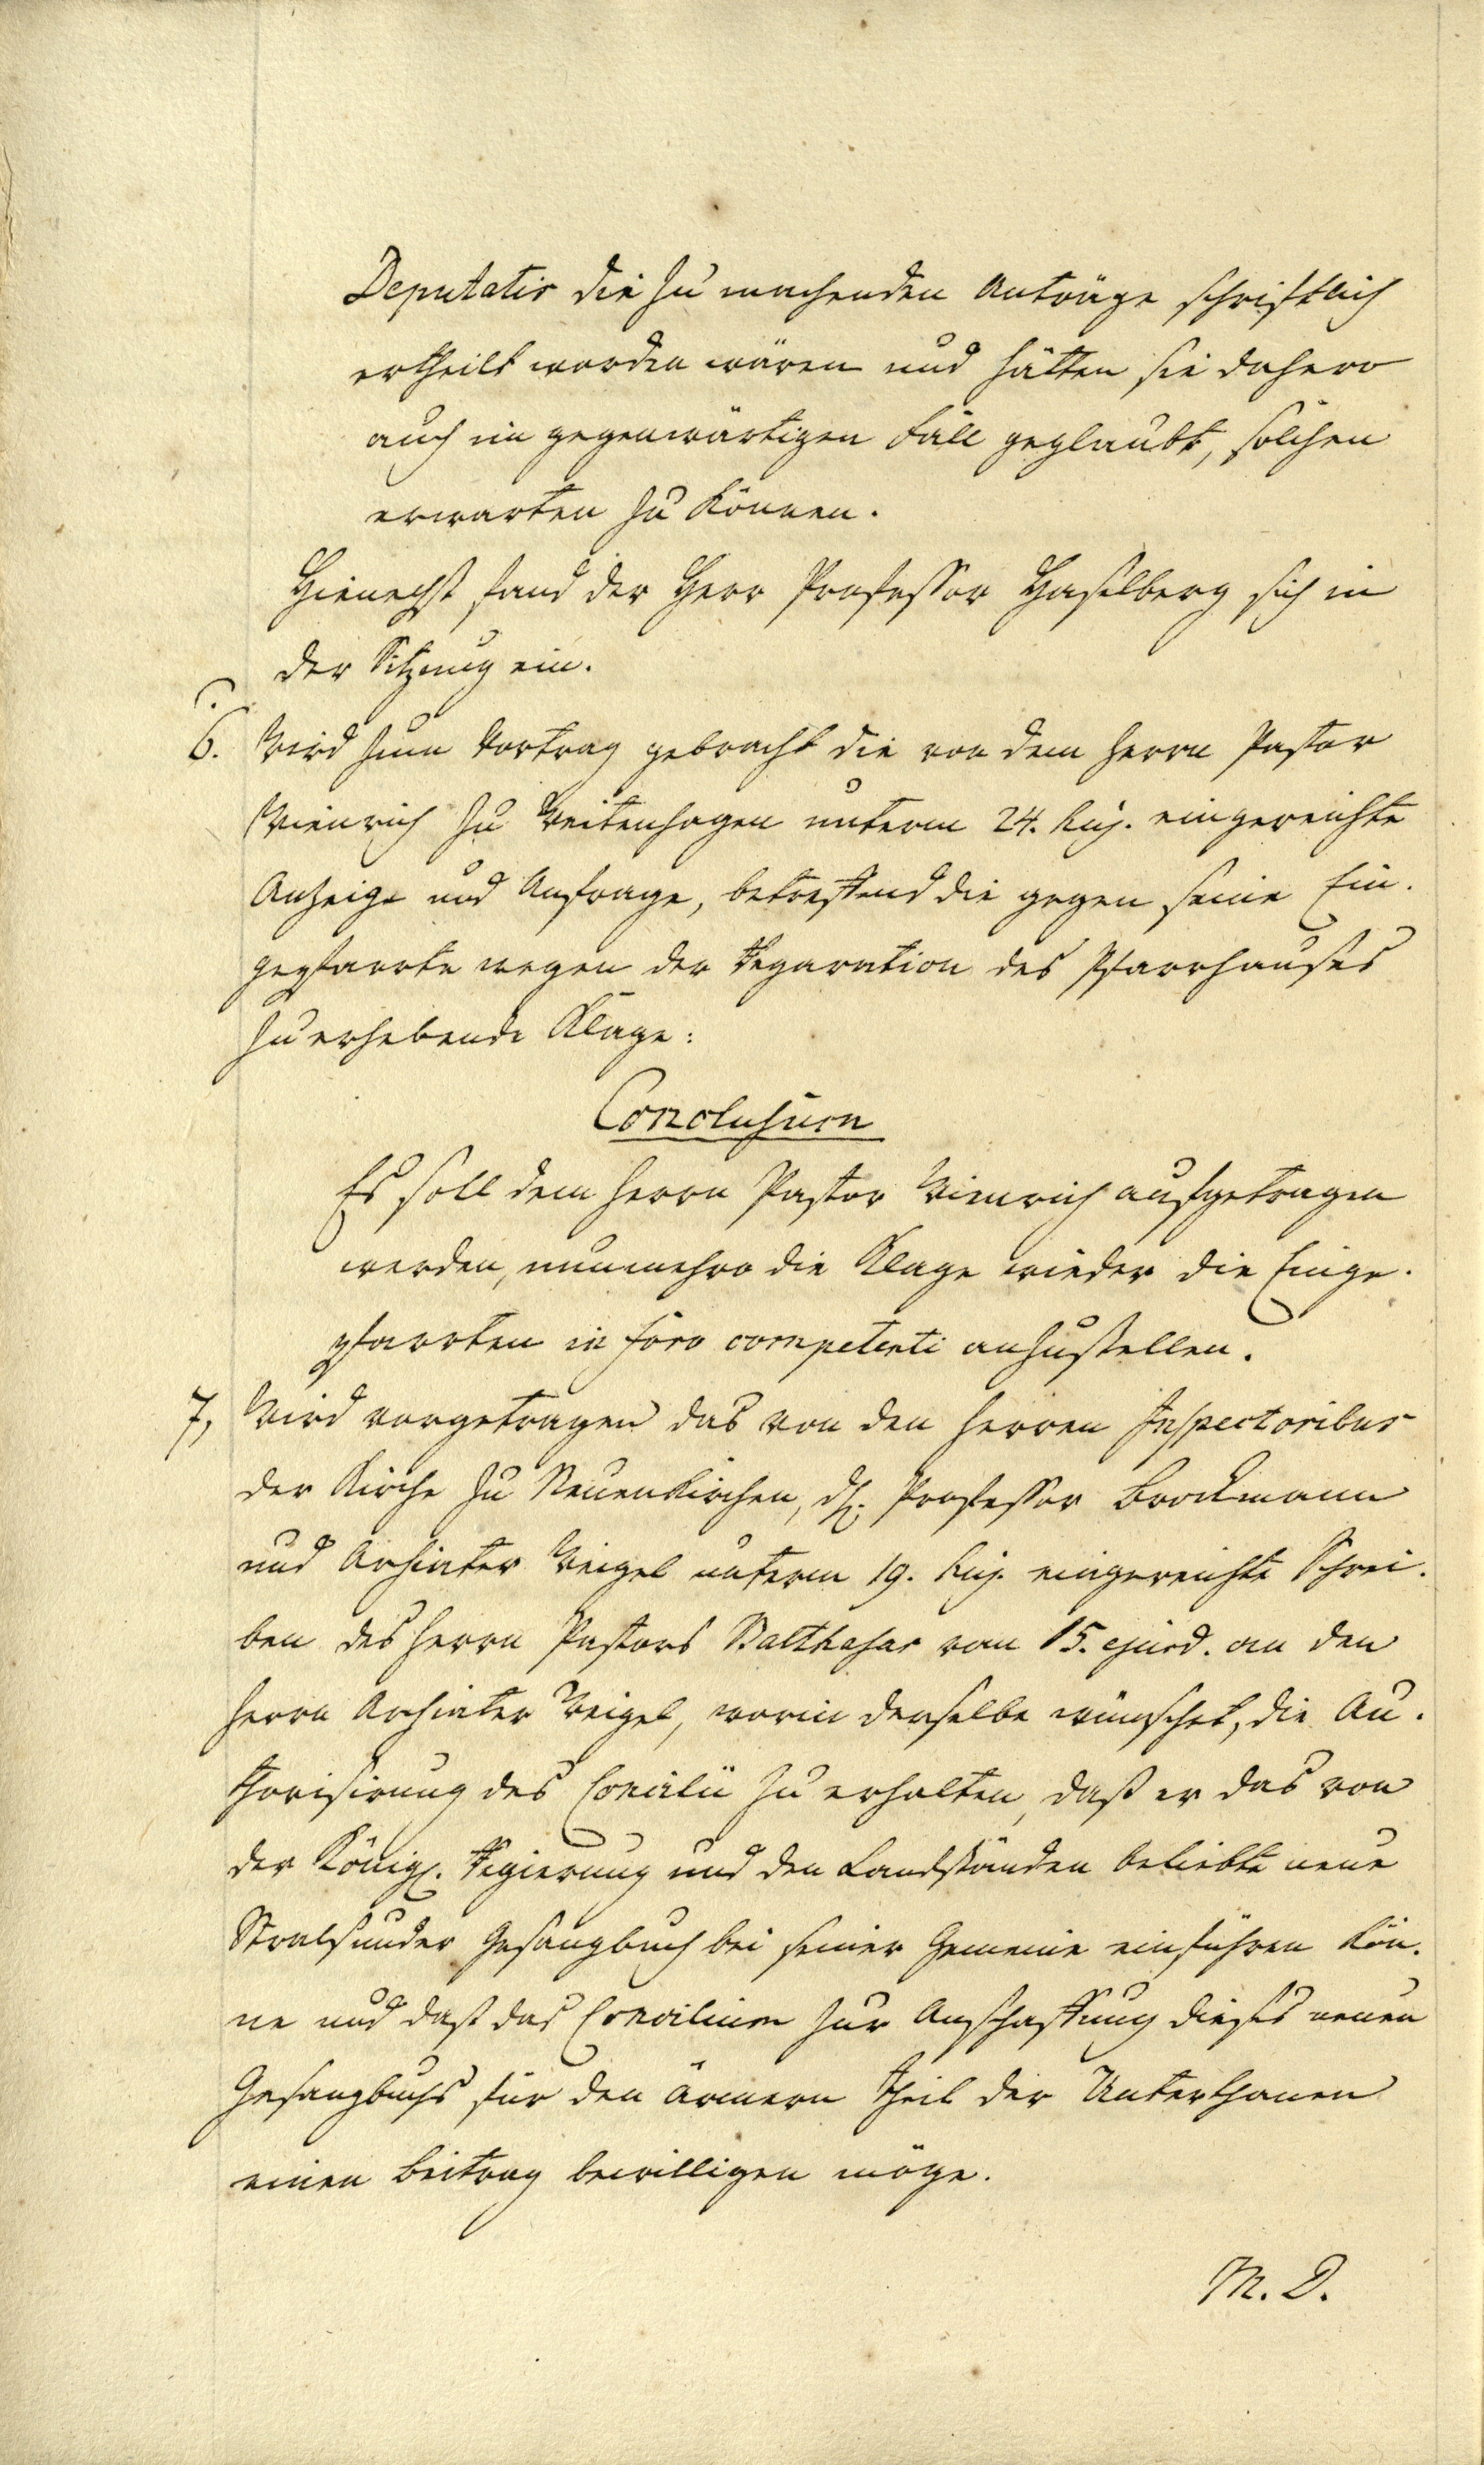Deputatis die zu machenden Anträge schriftlich
ertheilt worden wären und hätten sie dahero
auch im gegenwärtigen Fall geglaubt, solchen
erwarten zu können.
Hienechst fand der Herr Professor Haselberg sich in
der Sitzung ein.
6. Wird zum Vortrag gebracht die von dem herrn Pastor
Wienrich zu Weitenhagen unterm 24. huj. eingereichte
Anzeige und Anfrage, betreffend die gegen seine Ein¬
gepfarrte wegen der Reparation des Pfarrhauses
zu erhebende Klage:
Conclusum
Es soll dem herrn Pastor Wienrich aufgetragen
werden, nunmehro die Klage wieder die Einge¬
pfarrten in Foro competenti anzustellen.
7. Wird vorgetragen das von den herren Inspectoribus
der Kirche zu Neuenkirchen, dh. Professor Brockmann
und Archiater Weigel unterm 19. huj. eingereichte Schrei¬
ben des Herrn Pastor Balthasar vom 15. ejusd. an den
herrn Archiater Weigel, worin derselbe wünschet, die Au¬
thorisirung des Concilii zu erhalten, daß er das von
der Königl. Regierung und den Landständen beliebte neue
Stralsunder Gesangbuch bei seiner Gemeine einführen kön¬
ne und daß das Concilium zur Anschaffung dieses neuen
Gesangbuchs für den ärmern Theil der Unterthanen
einen Beitrag bewilligen möge.
M.D.